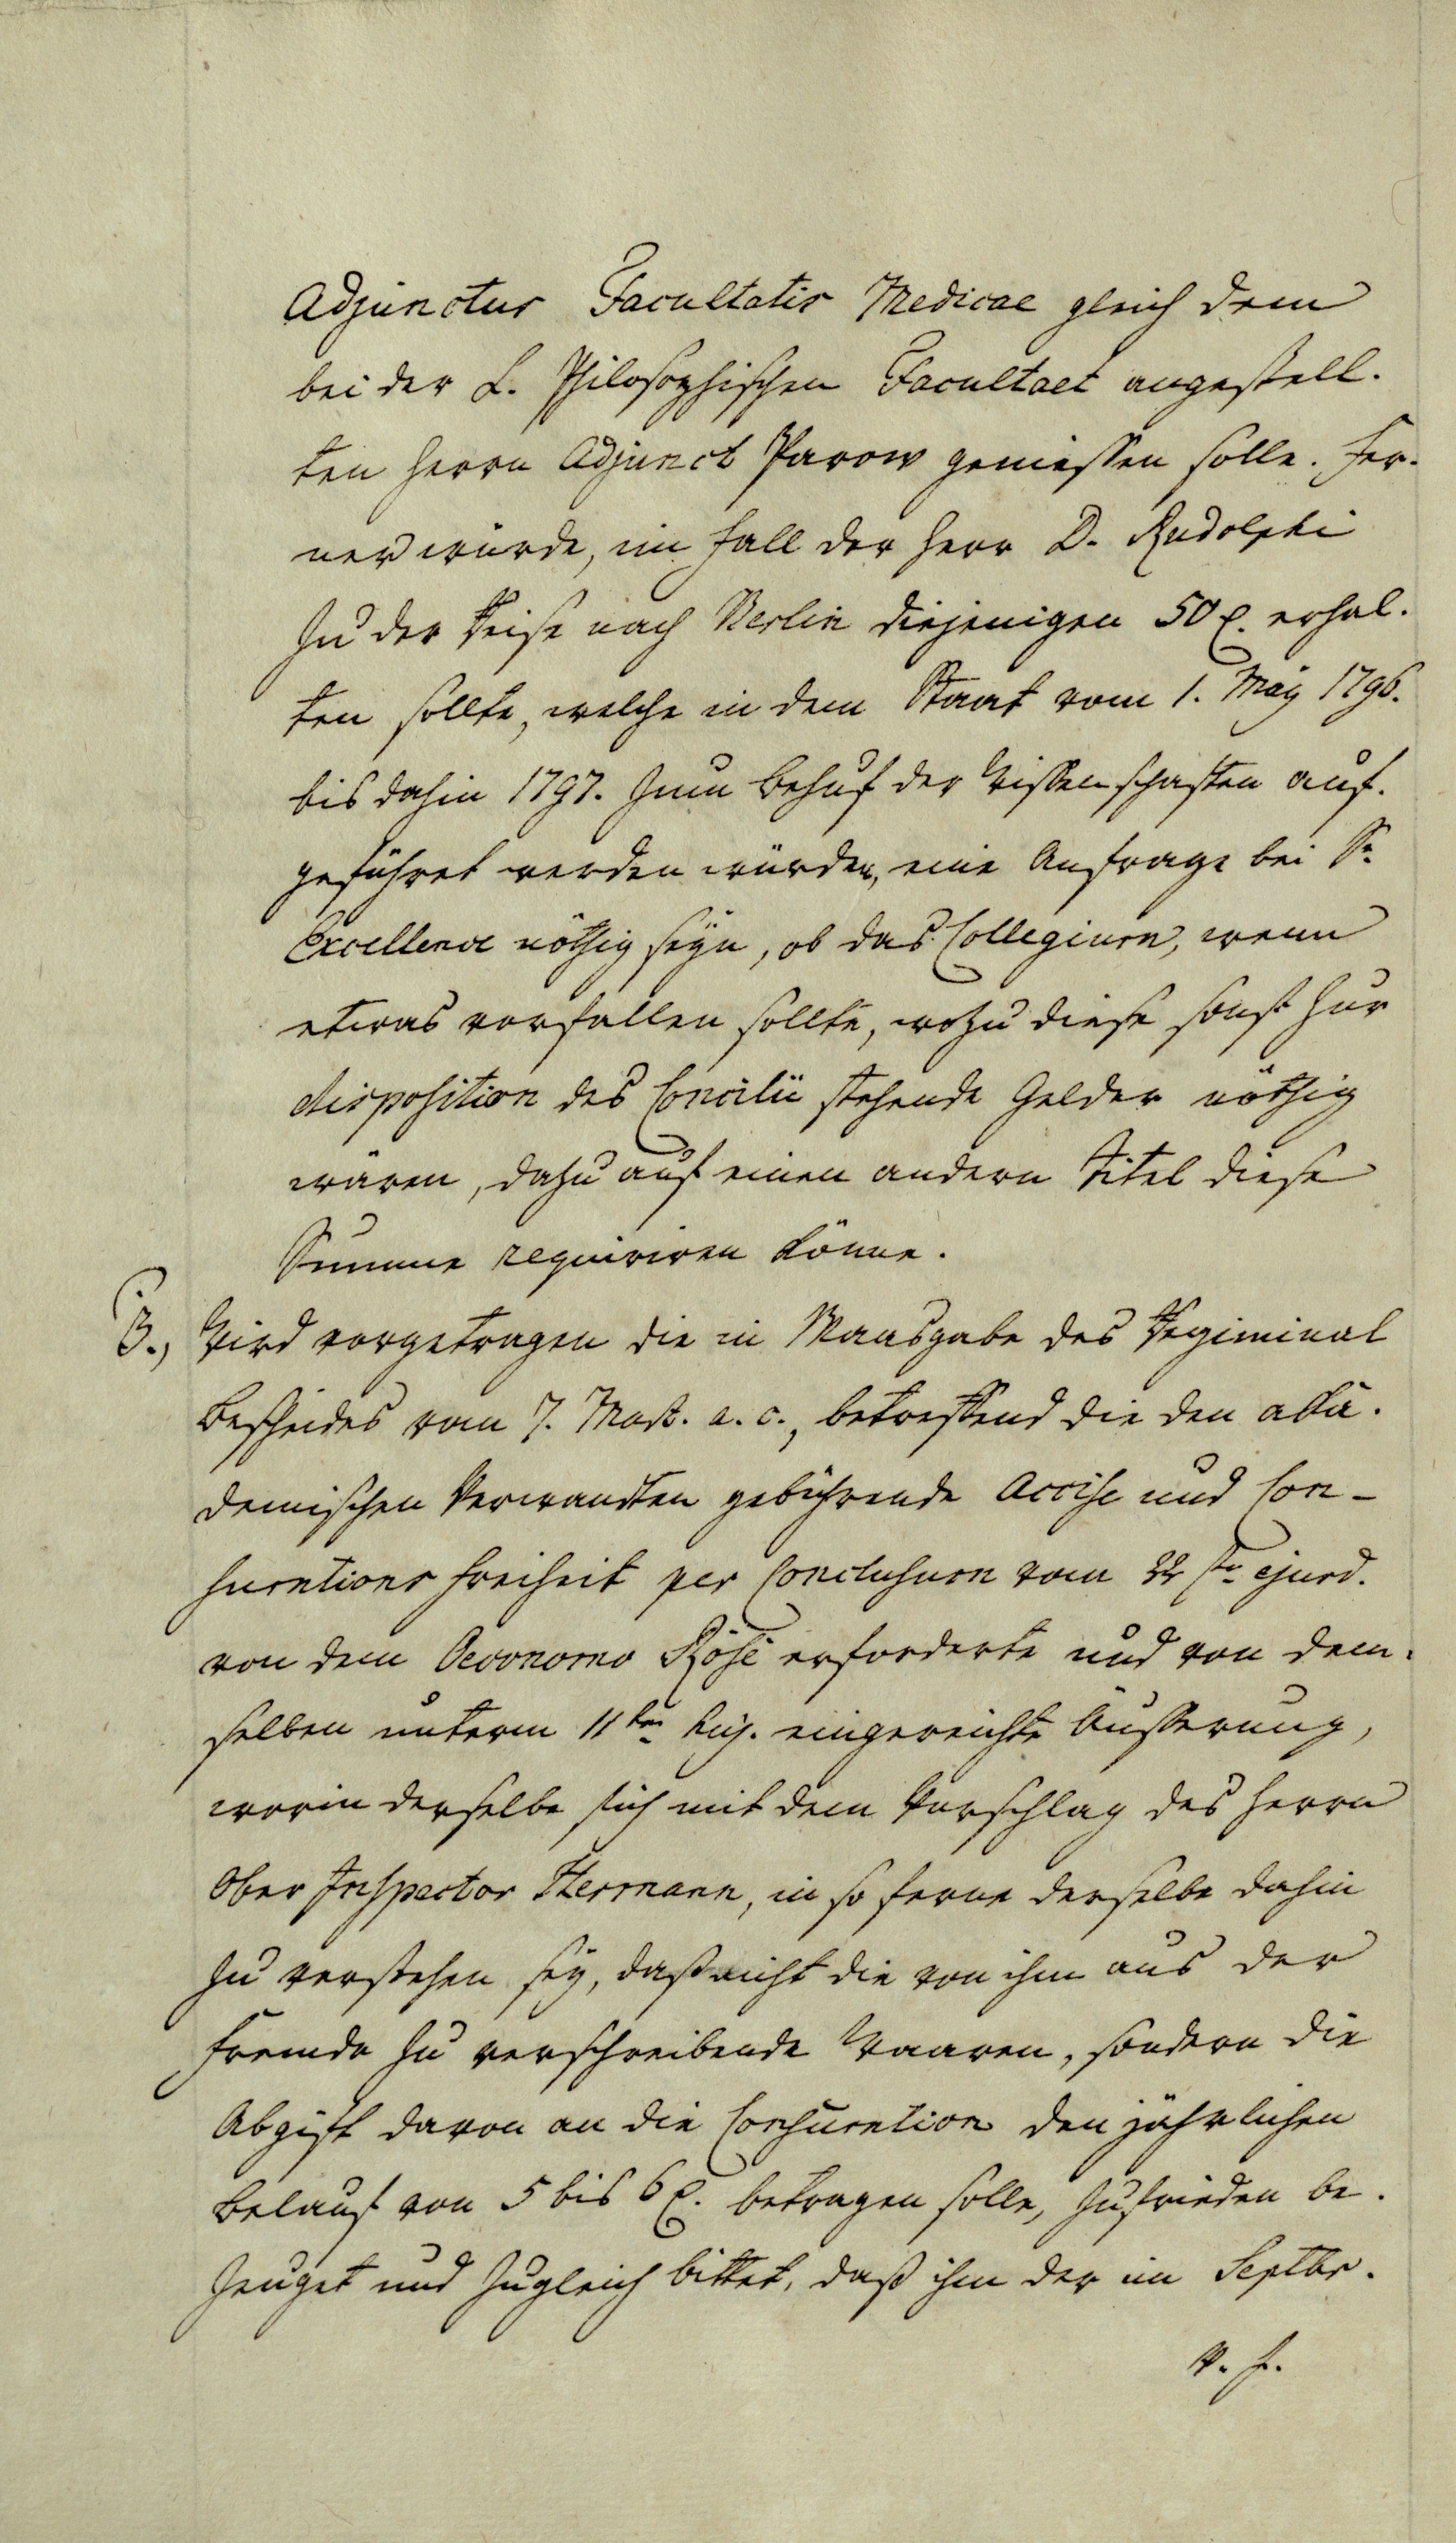Adjunctus Facultatis Medicae gleich dem
bei der L. Philosophischen Facultaet angestell¬
ten Herrn Adjunct Parow geniessen solle. Fer¬
ner würde, im Fall der Herr D. Rudolphi
zu der Reise nach Berlin diejenigen 50 l. erhal¬
ten sollte, welche in dem Staat vom 1. Maÿ 1796.
bis dahin 1797. zum Behuf der Wissenschaften auf¬
geführet werden würden, eine Anfrage bei Sr.
Excellence nöthig seÿn, ob das Collegium, wenn
etwas vorfallen sollte, wozu diese sonst zur
disposition des Concilii stehende Gelder nöthig
wären, dazu auf einen andern Titel diese
Summe requiriren könne.
3., Wird vorgetragen die in Maasgabe des Regiminal
Bescheides vom 7. Mart. a. c., betreffend die den aka¬
demischen Verwandten gebührende Accise und Con¬
sumtionsfreiheit per Conclusum vom 22 st ejusd.
von dem Oeconomo Röse erforderte und von dem¬
selben unterm 11 ten huj. eingereichte Äusserung,
worin derselbe sich mit dem Vorschlag des Herrn
Ober Inspector Hermann, in so ferne derselbe dahin
zu verstehen seÿ, daß nicht die von ihm aus der
Fremde zu verschreibende Waaren, sondern die
Abgift davon an die Consumtion den jährlichen
Belauf von 5 bis 6 l. betragen solle, zufrieden be¬
zeuget und zugleich bittet, daß ihm der im Septbr.
v. J.